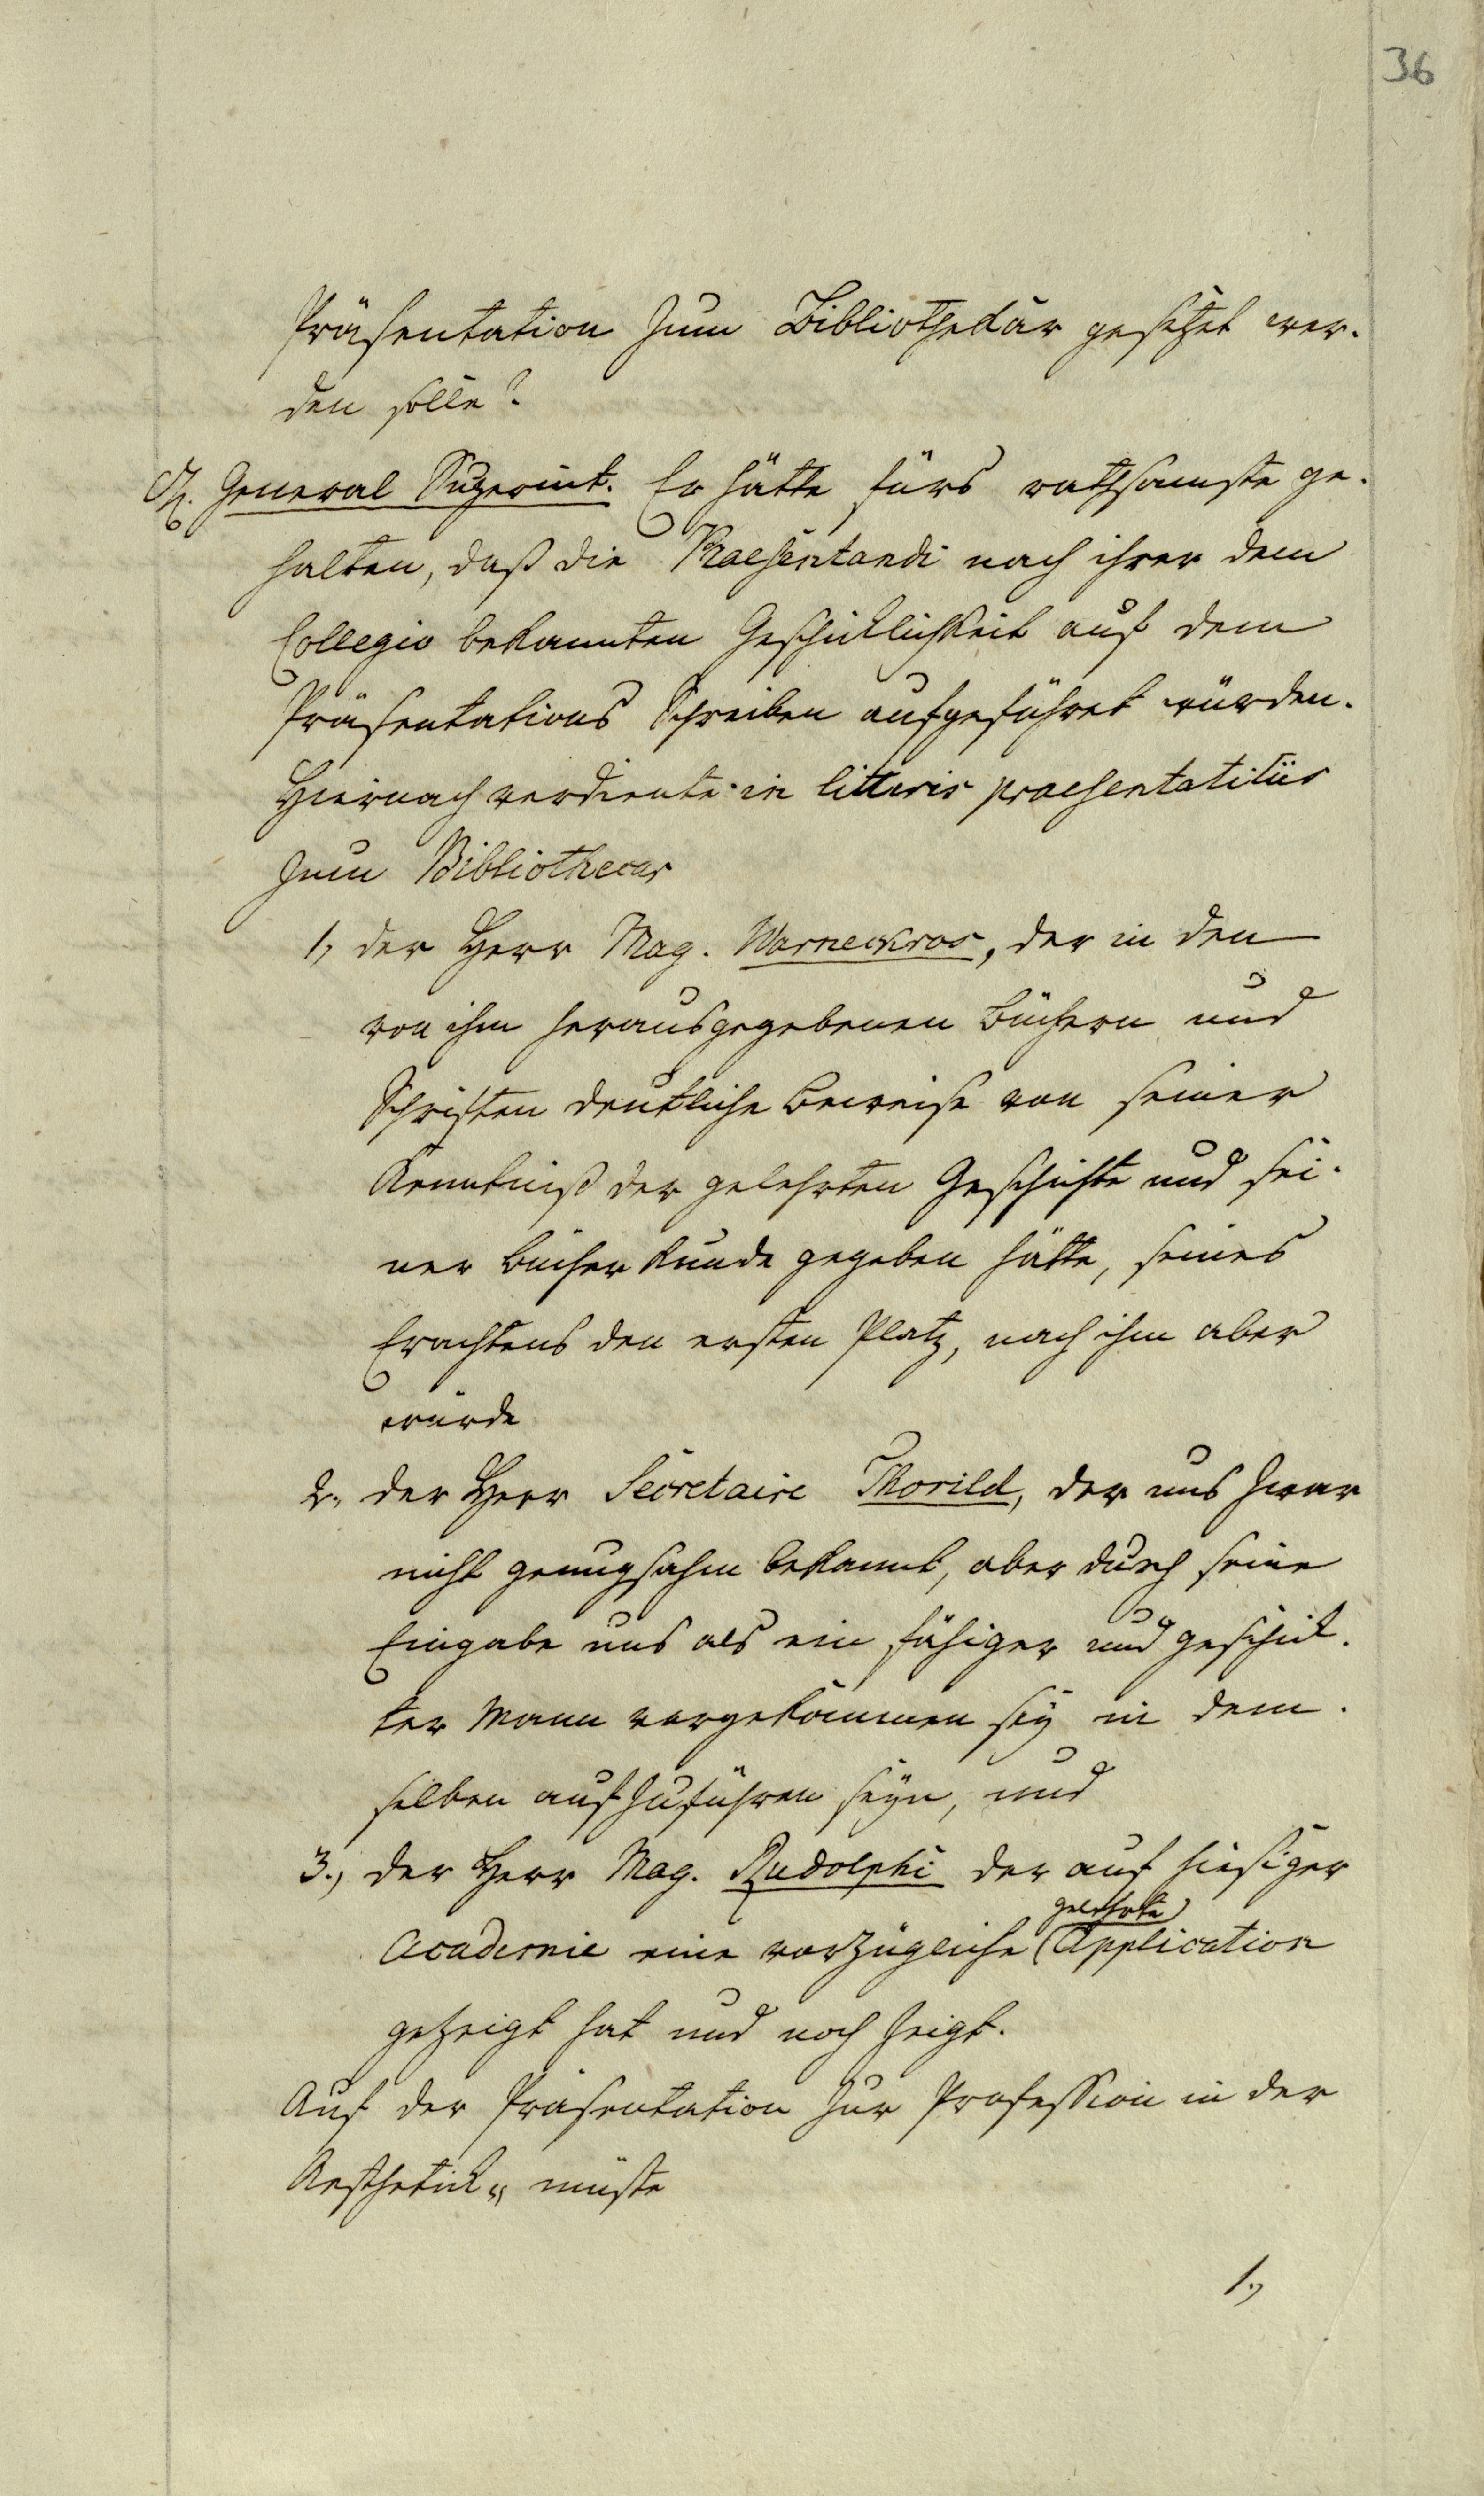Präsentation zum Bibliothekär gesetzt wer¬
den solle?
dh. General Superint. Er hätte fürs rathsamste ge¬
halten, daß die Praesentandi nach ihrer dem
Collegio bekannten Geschicklichkeit auf dem
Präsentations Schreiben aufgeführet würden.
Hiernach verdiente in litteris praesentatitiis
zum Bibliothecar
1., der Herr Mag. Warneckros, der in den
von ihm herausgegebenen Büchern und
Schriften deutliche Beweise von seiner
Kenntniß der gelehrten Geschäfte und sei¬
ner Bücher Kunde gegeben hätte, seines
Erachtens den ersten Platz, nach ihm aber
würde
2., der Herr Secretaire Thorild, der und zwar
nicht genugsahm bekannt, aber durch seine
Eingabe uns als ein fähiger und geschick¬
ter Mann vorgekommen seÿ in dem¬
selben aufzuführen seÿn, und
3., der Herr Mag. Rudolphi der auf hiesiger
gelehrte
Academie eine vorzügliche Application
gezeigt hat und noch zeigt.
Auf der Präsentation zur Profession in der
Aesthetick müsste
1.,